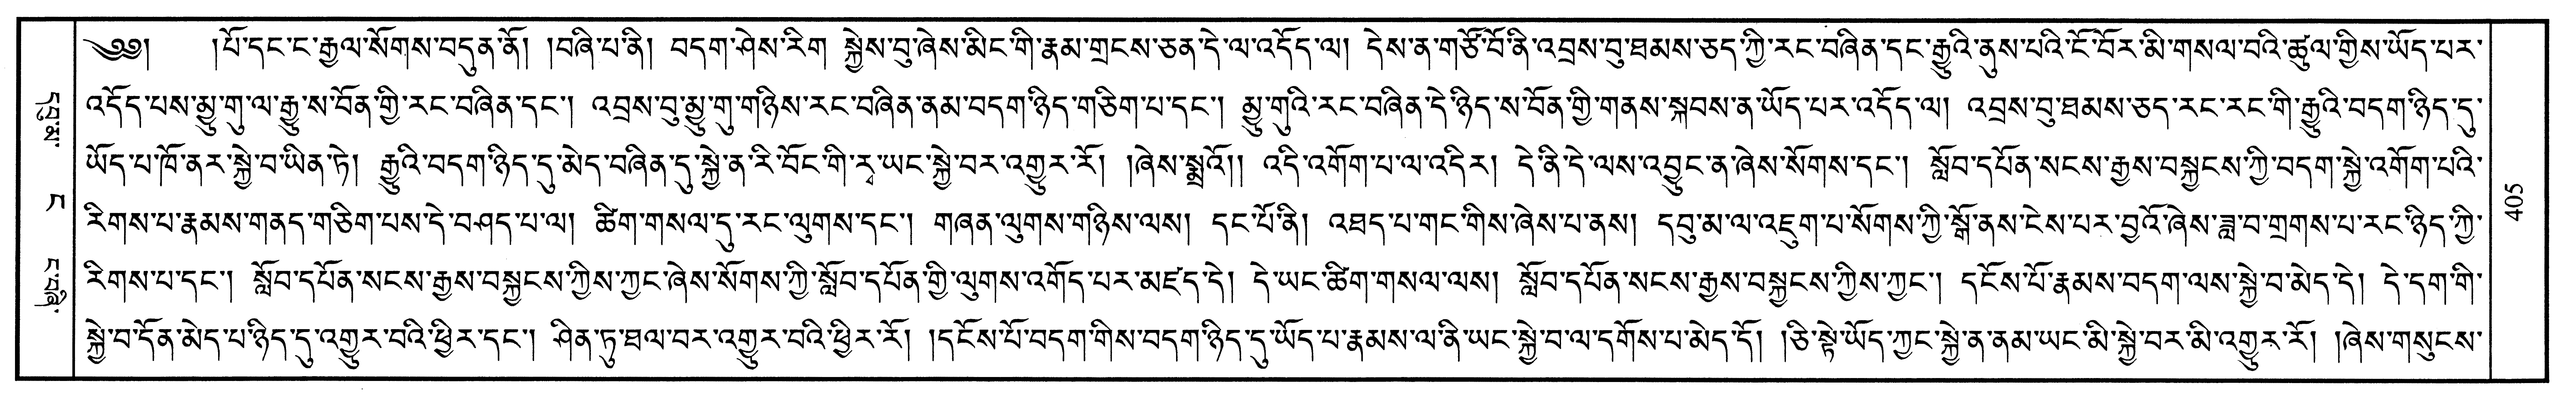༄༅། །པོ་དང་ང་རྒྱལ་སོགས་བདུན་ནོ། །བཞི་པ་ནི། བདག་ཤེས་རིག་སྐྱེས་བུ་ཞེས་མིང་གི་རྣམ་གྲངས་ཅན་དེ་ལ་འདོད་ལ། དེས་ན་གཙོ་བོ་ནི་འབྲས་བུ་ཐམས་ཅད་ཀྱི་རང་བཞིན་དང་རྒྱུའི་ནུས་པའི་ངོ་བོར་མི་གསལ་བའི་ཚུལ་གྱིས་ཡོད་པར་
འདོད་པས་མྱུ་གུ་ལ་རྒྱུ་ས་བོན་གྱི་རང་བཞིན་དང་། འབྲས་བུ་མྱུ་གུ་གཉིས་རང་བཞིན་ནམ་བདག་ཉིད་གཅིག་པ་དང་། མྱུ་གུའི་རང་བཞིན་དེ་ཉིད་ས་བོན་གྱི་གནས་སྐབས་ན་ཡོད་པར་འདོད་ལ། འབྲས་བུ་ཐམས་ཅད་རང་རང་གི་རྒྱུའི་བདག་ཉིད་དུ་
ཡོད་པ་ཁོ་ནར་སྐྱེ་བ་ཡིན་ཏེ། རྒྱུའི་བདག་ཉིད་དུ་མེད་བཞིན་དུ་སྐྱེ་ན་རི་བོང་གི་རྭ་ཡང་སྐྱེ་བར་འགྱུར་རོ། །ཞེས་སྨྲའོ། འདི་འགོག་པ་ལ་འདིར། དེ་ནི་དེ་ལས་འབྱུང་ན་ཞེས་སོགས་དང་། སློབ་དཔོན་སངས་རྒྱས་བསྐྱངས་ཀྱི་བདག་སྐྱེ་འགོག་པའི་
རིགས་པ་རྣམས་གནད་གཅིག་པས་དེ་བཤད་པ་ལ། ཚིག་གསལ་དུ་རང་ལུགས་དང་། གཞན་ལུགས་གཉིས་ལས། དང་པོ་ནི། འཐད་པ་གང་གིས་ཞེས་པ་ནས། དབུ་མ་ལ་འཇུག་པ་སོགས་ཀྱི་སྒོ་ནས་ངེས་པར་བྱའོ་ཞེས་ཟླ་བ་གྲགས་པ་རང་ཉིད་ཀྱི་
རིགས་པ་དང་། སློབ་དཔོན་སངས་རྒྱས་བསྐྱངས་ཀྱིས་ཀྱང་ཞེས་སོགས་ཀྱི་སློབ་དཔོན་གྱི་ལུགས་འགོད་པར་མཛད་དེ། དེ་ཡང་ཚིག་གསལ་ལས། སློབ་དཔོན་སངས་རྒྱས་བསྐྱངས་ཀྱིས་ཀྱང་། དངོས་པོ་རྣམས་བདག་ལས་སྐྱེ་བ་མེད་དེ། དེ་དག་གི་
སྐྱེ་བ་དོན་མེད་པ་ཉིད་དུ་འགྱུར་བའི་ཕྱིར་དང་། ཤིན་ཏུ་ཐལ་བར་འགྱུར་བའི་ཕྱིར་རོ། །དངོས་པོ་བདག་གིས་བདག་ཉིད་དུ་ཡོད་པ་རྣམས་ལ་ནི་ཡང་སྐྱེ་བ་ལ་དགོས་པ་མེད་དོ། །ཅི་སྟེ་ཡོད་ཀྱང་སྐྱེ་ན་ནམ་ཡང་མི་སྐྱེ་བར་མི་འགྱུར་རོ། །ཞེས་གསུངས་